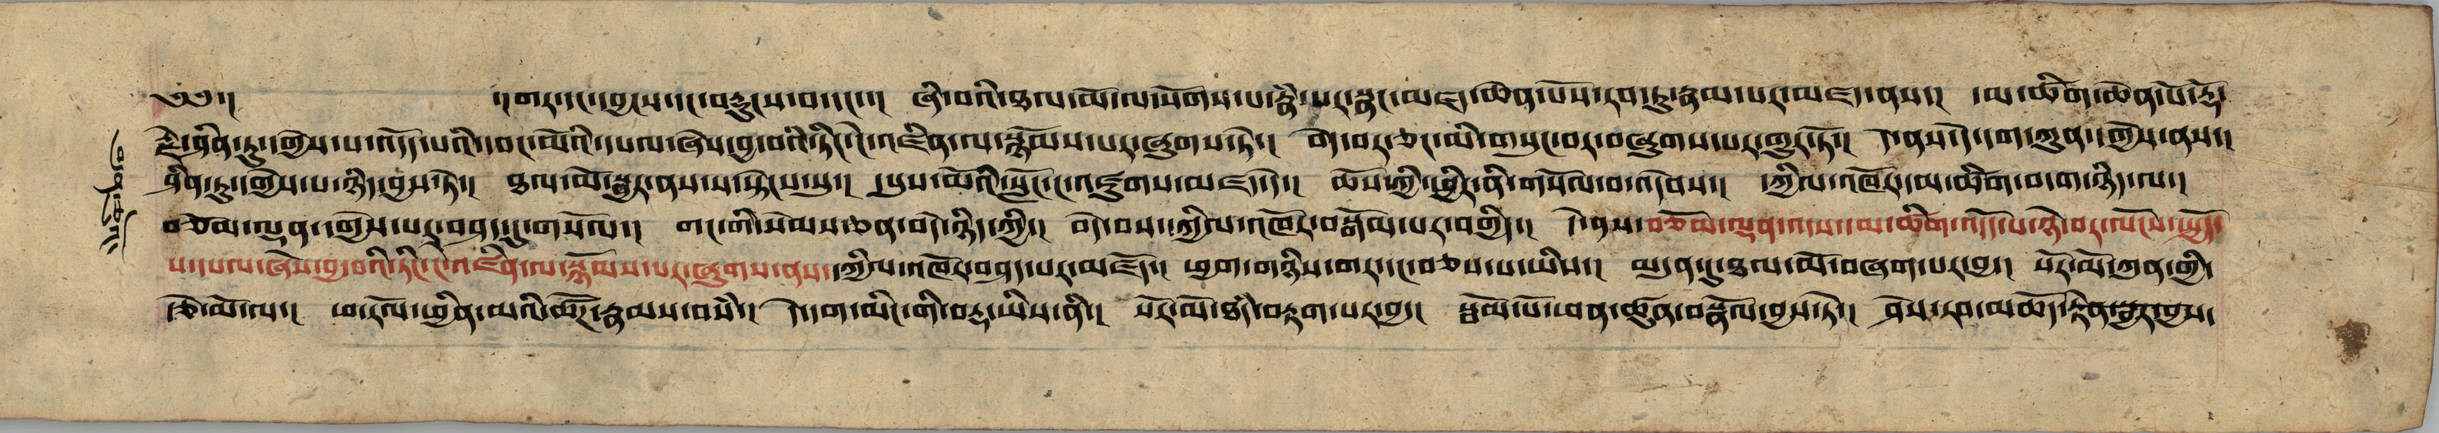༄༅་། ་།གར་དང་དབྱངས་དང་བརྡུངས་བ་དང་་། ཞི་བའི་ཐལ་མོ་ལ་སོགས་པ་རྣཾ་པར་སྣང་མཛད་ཆེན་པོས་རབ་ཏུ་རྣམ་པར་མཛད་ནས་། དམ་ཚིག་ཆེན་པོ་རྡོ་
རྗེ་ཤིན་ཏུ་དགྱེས་པ་འདོད་པའི་དབང་མོའི་དཔལ་ཞེས་བྱ་བའི་ཏིང་ངེ་འཛིན་ལ་སྙོམས་པར་ཞུགས་ཏེ་། བདེ་བར་ཅང་མི་གསུང་བར་བཞུགས་པར་གྱུར་ཏོ་། དེ་ནས་དེ་དག་ཀུན་དགྱེས་ནས་།
ཤིན་ཏུ་དགྱེས་པ་ཉིད་བྱས་ཏེ་། ཐལ་མོ་སྦྱར་ནས་ས་སྟེངས་སུ་། དཔུས་མོའི་སློང་ང་འཛུགས་མཛད་དེ་། ཆོས་ཀྱི་ཕྱིར་ནི་གསོལ་བ་འདེབས་། དཀྱིལ་འཁོར་དམ་ཚིག་བདག་ཉིད་ལ་།
བཅོམ་ལྡན་དགྱེས་པར་བཤད་དུ་གསོལ་། གང་གི་སེམས་ཅན་བདེ་ཉིད་ཀྱི་། བདེ་བས་དཀྱིལ་འཁོར་བསྒོམ་པར་བགྱིད་། དེ་ནས་བཅོམ་ལྡན་འདས་དམ་ཚིག་འདོད་པ་ཉེ་བར་ལོངས་སྤྱོད་
ས་དཔལ་ཞེས་བྱ་བའི་ཏིང་ངེ་འཛིན་ལ་སྙོམས་པར་ཞུགས་ནས་དཀྱིལ་འཁོར་བཤད་པར་མཛོད་། ཕྱག་གཉིས་གར་དང་བཅས་པ་ཡིས་། མདུན་དུ་ཐལ་མོ་བཞག་པར་བྱ་། སོར་མོ་ཀུན་གྱི་
རྩེ་མོ་ལ་། ཕ་རོལ་ཕྱིན་མའི་ཚོཌ་རྣམས་བསཾ་། དེ་དག་མིང་གི་བརྡ་ཡིས་ནི་། སོར་མོ་ཐཾད་བརྟག་པར་བྱ་། སྦོམ་པོ་ཕན་ཚུན་བསྣོལ་བྱས་ཏེ་། ཤེས་རབ་མཆོད་རྟེན་སྦྱར་བྱས་